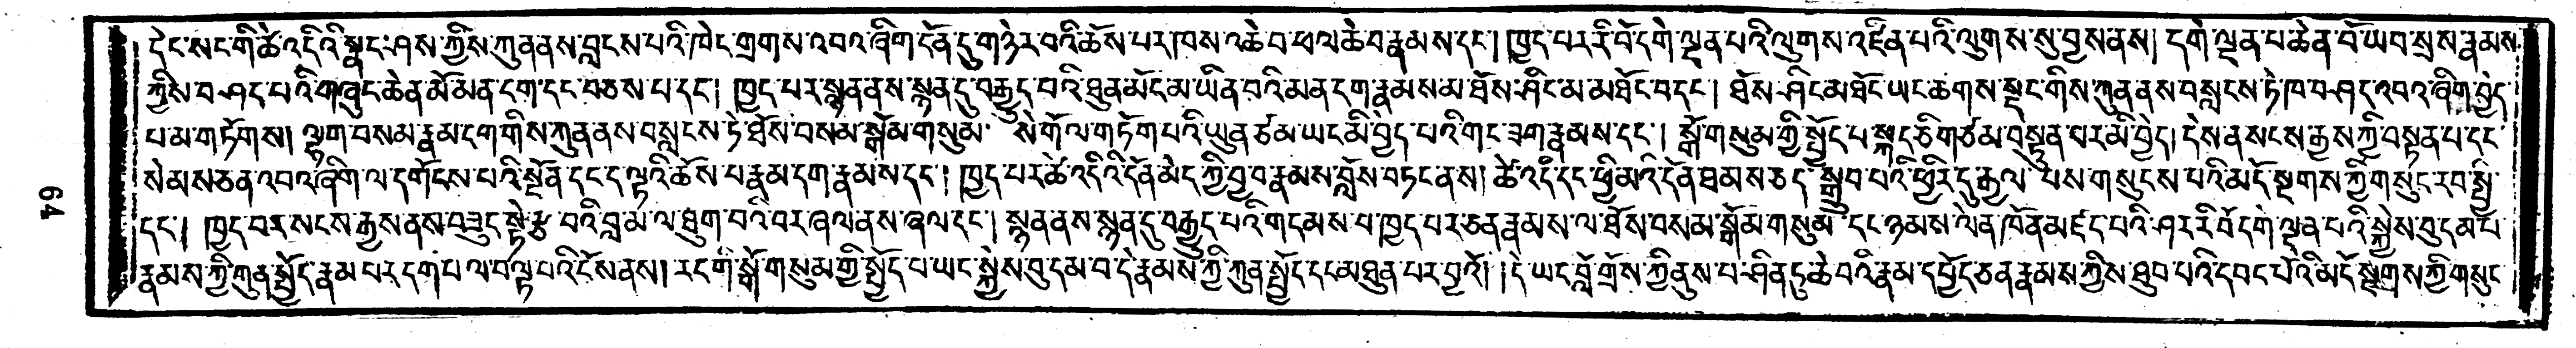དེང་སང་གི་ཚེ་འདིའི་སྣང་ཤས་ཀྱིས་ཀུན་ནས་བླངས་པའི་ཁེང་གྲགས་འབའ་ཞིག་དོན་དུ་གཉེར་བའི་ཆོས་པར་ཁས་འཆེ་བ་ཕལ་ཆེ་བ་རྣམས་དང་། ཁྱད་པར་རི་བོ་དགེ་ལྡན་པའི་ལུགས་འཛིན་པའི་ལུགས་སུ་བྱས་ནས། དགེ་ལྡན་པ་ཆེན་བོ་ཡབ་སྲས་རྣམས་
ཀྱིས་བཤད་པའི་གཞུང་ཆེན་མོ་མན་ངག་དང་བཅས་པ་དང་། ཁྱད་པར་སྙན་ནས་སྙན་དུ་བརྒྱུད་པའི་ཐུན་མོང་མ་ཡིན་བའི་མན་ངག་རྣམས་མ་ཐོས་ཤིང་མ་མཐོང་བ་དང་། ཐོས་ཤིང་མཐོང་ཡང་ཆགས་སྡང་གིས་ཀུན་ནས་བསླངས་ཏེ་ཁ་བཤད་འབའ་ཞིག་བྱེད་
པ་མ་གཏོགས། ལྷག་བསམ་རྣམ་ངག་གིས་ཀུན་ནས་བསླངས་ཏེ་ཐོས་བསམ་སྒོམ་གསུམ་སེ་གོལ་གཏོག་པའི་ཡུན་ཙམ་ཡང་མི་བྱེད་པའི་གང་ཟག་རྣམས་དང་། སྒོ་གསུམ་གྱི་སྤྱོད་པ་སྐད་ཅིག་ཙམ་བསྟུན་པར་མི་བྱེད། དེས་ན་སངས་རྒྱས་ཀྱི་བསྟན་པ་དང་
སེམས་ཅན་འབའ་ཞིག་ལ་དགོངས་པའི་སྔོན་དང་ད་ལྟའི་ཆོས་པ་རྣམ་དག་རྣམས་དང་། ཁྱད་པར་ཚེ་འདིའི་དོན་མེད་ཀྱི་བྱ་བ་རྣམས་བློས་བཏང་ནས། ཚེ་འདི་དང་ཕྱི་མའི་དོན་ཐམས་ཅད་སྒྲུབ་པའི་ཕྱིར་དུ་རྒྱལ་པས་གསུངས་པའི་མདོ་སྔགས་ཀྱི་གསུང་རབ་སྤྱི་
དང་། ཁྱད་བར་སངས་རྒྱས་ནས་བཟུང་སྟེ་རྩ་བའི་བླ་མ་ལ་ཐུག་བའི་བར་ཞལ་ནས་ཞལ་དང་། སྙན་ནས་སྙན་དུ་བརྒྱུད་པའི་གདམས་པ་ཁྱད་པར་ཅན་རྣམས་ལ་ཐོས་བསམ་སྒོམ་གསུམ་དང་ཉམས་ལེན་ཁོན་མཛད་པའི་ཤར་རི་བོ་དགེ་ལྡན་པའི་སྐྱེས་བུ་དམ་པ་
རྣམས་ཀྱི་ཀུན་སྤྱོད་རྣམ་པར་དག་པ་ལ་བལྟ་བའི་ངོས་ནས། རང་གི་སྒོ་གསུམ་གྱི་སྤྱོད་པ་ཡང་སྐྱེས་བུ་དམ་བ་དེ་རྣམས་ཀྱི་ཀུན་སྤྱོད་དང་མཐུན་པར་བྱའོ། །དེ་ཡང་བློ་གྲོས་ཀྱི་ནུས་པ་ཤིན་ཏུ་ཆེ་བའི་རྣམ་དཔྱོད་ཅན་རྣམས་ཀྱིས་ཐུབ་པའི་དབང་པོའི་མདོ་སྔགས་ཀྱི་གསུང་